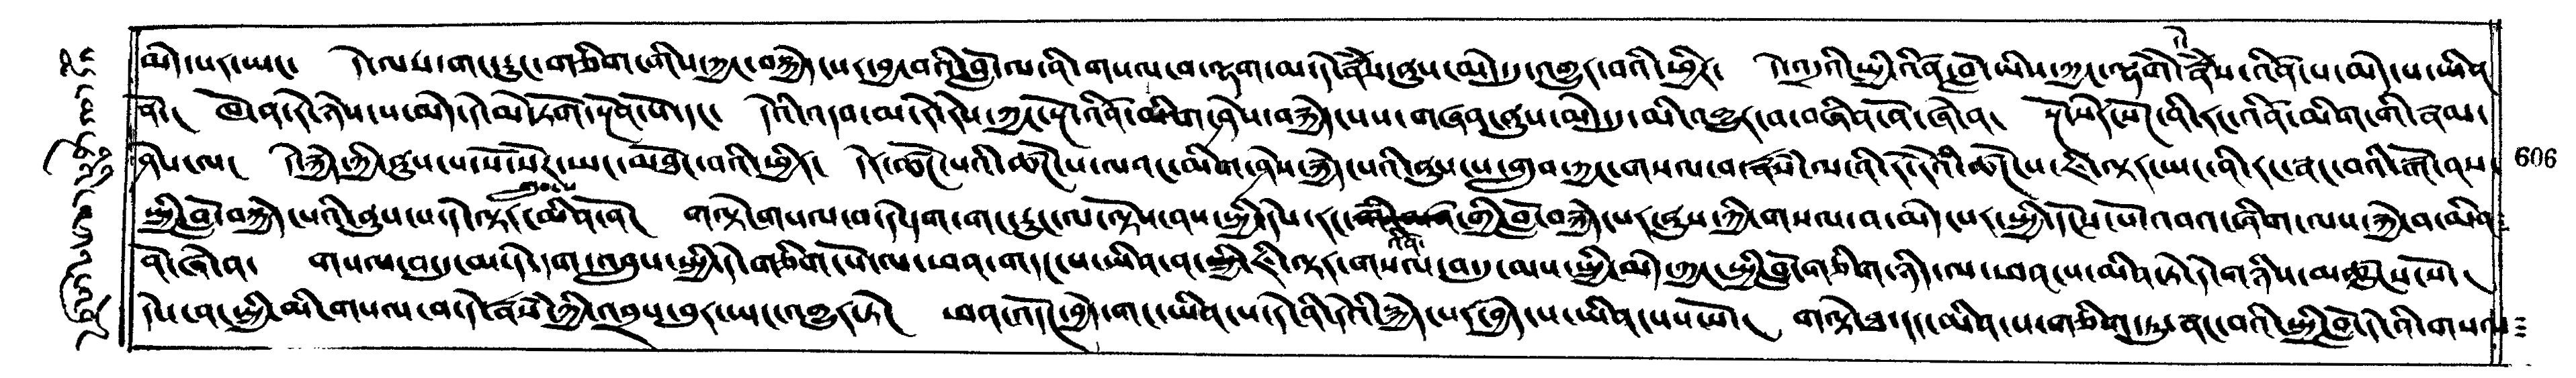མེད་པར་ཡང་། དེ་ལས་གང་རུང་གཅིག་གིས་ཀྱང་བསྐྱེད་པར་བྱ་བའི་བློ་ལ་ནི་གསལ་བ་ལྷག་མ་དེ་རྣམས་ནུས་མེད་དུ་འགྱུར་བའི་ཕྱིར། དེ་འདྲའི་སྤྱི་འཛིན་བློ་ཡིས་ཀྱང་ལྷག་མ་དེ་རྣམས་འཛིན་པ་མེད་པ་ཡིན་
ནོ།། ཁོ་ན་དེ་ཉེས་པ་མེད་དེ་མེ་ཏོག་སྔོན་པོ་དང་། དེའི་འདབ་མ་རེ་རེས་ཀྱང་སྔོ་འཛིན་མིག་ཤེས་བསྐྱེད་པས་གཞན་ནུས་མེད་དུ་མི་འགྱུར་བ་བཞིན་ནོ་ཞེ་ན། སྔོ་སེར་སོགས་ནི་རང་འཛིན་མིག་གི་རྣམ་
ཤེས་ལ། དེ་སྐྱེད་ཀྱི་ནུས་པ་སོ་སོར་ཡང་མཐོང་བའི་ཕྱིར། དེར་ཚོགས་པའི་ཚོགས་པ་ལའང་མིག་ཤེས་སྐྱེད་པའི་ནུས་པ་གྲུབ་ཀྱང་གསལ་བ་རྣམས་ལ་ནི་རེ་རེའམ་ཚོགས་པ་ཇི་ལྟར་ཡང་ནི་རང་སྣང་བའི་སྒོ་ནས་
སྤྱི་བློ་བསྐྱེད་པའི་ནུས་པ་དེ་ལྟར་གྲུབ་པ་མིན་ནོ།། གལ་ཏེ་གསལ་བ་དེ་དག་གང་རུང་ལ་ལྟོས་ནས་སྤྱི་དེས་རང་འཛིན་གྱི་བློ་བསྐྱེད་པར་ནུས་ཀྱི་གསལ་བ་མེད་པར་སྤྱི་དངོས་པོ་འབའ་ཞིག་ལས་སྐྱེ་བ་མིན་
ནོ་ཞེ་ན། གསལ་བ་དུ་མ་དེ་དག་འབྲས་བུ་སྤྱི་དེ་གཅིག་པོ་ལ་ཕན་གདགས་པ་ཡིན་ན་ཇི་ལྟར་གསལ་བ་དུ་མས་སྤྱི་མེད་ཀྱང་སྤྱི་བློ་གཅིག་ཉིད་ལ་ཕན་པ་མིན་ཏེ་དེ་གཉིས་མཚུངས་སོ།། 
དེས་ན་སྤྱི་མི་གསལ་བ་དེ་རྣམས་ཀྱི་འབྲས་བུར་ཡང་འགྱུར་ཏེ། ཕན་འདོགས་བྱེད་གང་ཡིན་པ་དེ་ནི་དེའི་སྐྱེད་པར་བྱེད་པ་ཡིན་པས་སོ།། གལ་ཏེ་ཐ་དད་མིན་པ་གཅིག་ཏུ་སྣང་བའི་སྤྱི་བློ་དེ་ནྀ་གསལ་